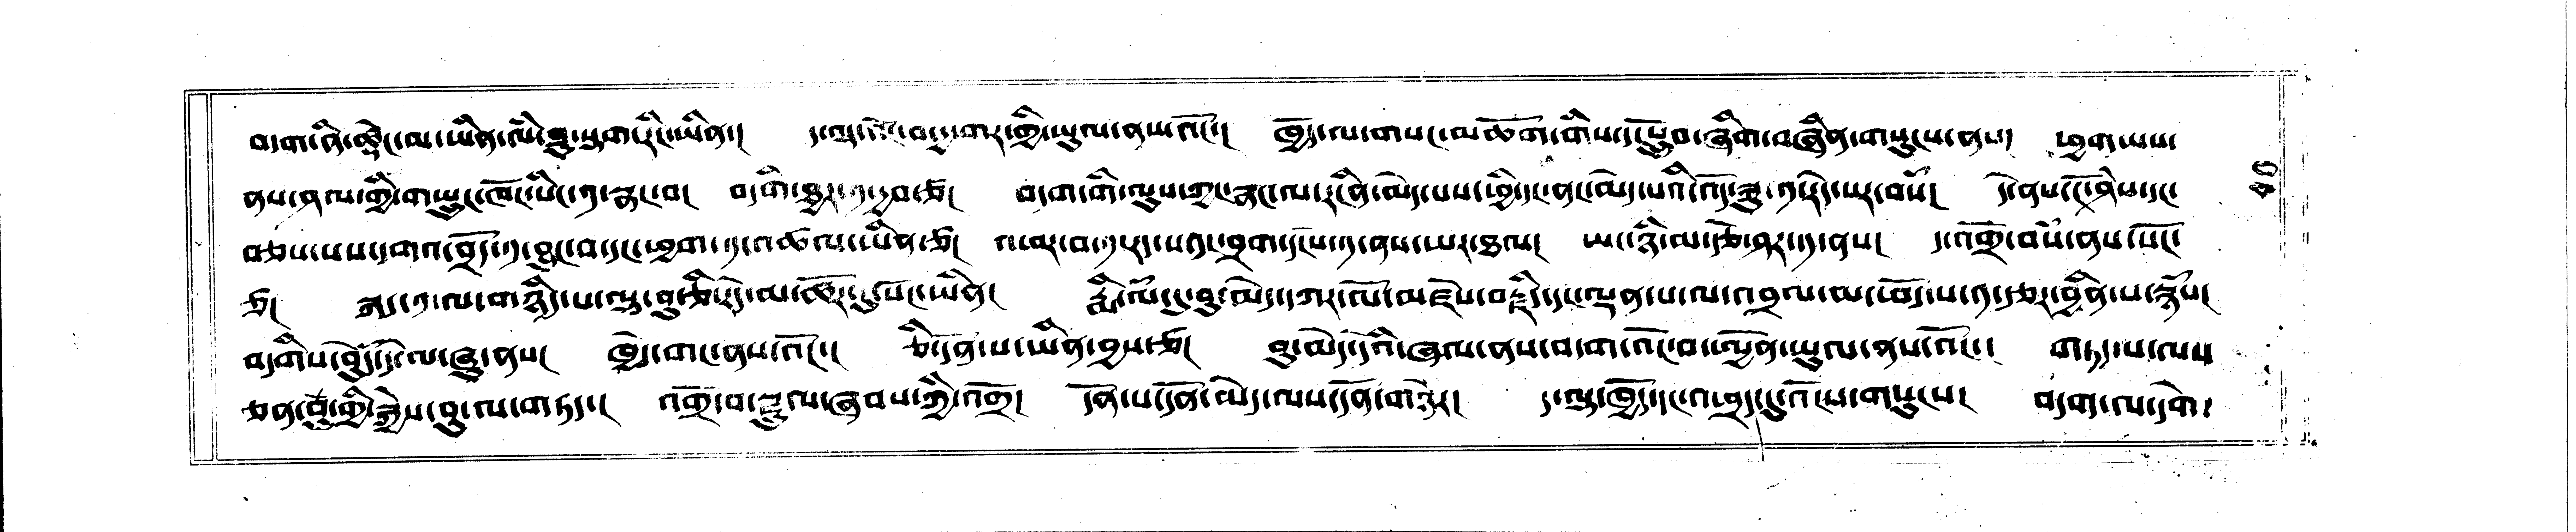བདག་ནི་ཚེ་དབང་མ་ཡིན་ལི་ཤུ་སྟག་རིང་ཡིན། ད་ལྟ་འོང་བ་རྒྱ་གར་གྱི་ཡུལ་ནས་འོང་། ཁྱོད་ལ་གསང་མཆོག་གིས་དངོས་གྲུབ་ཞིག་བཞིན་གསུངས་ནས། ཕྱག་གཡས་
ནས་ཤེལ་གྱི་གཡུང་དྲུང་ཁོང་སེང་གཅིག་སྣང་བ། བདག་གི་ཐུགས་རྒྱབ་ཙ། བདག་གི་ལུས་ཀྱང་སྣང་ལ་རང་བཞིན་མེད་པས་ཕྱི་དང་ནང་མེད་པའི་འོད་སྐུ་གཅིག་རེད་པར་བསམ། དེ་ནས་ངོ་ཤེས་དང་
བཅས་པས་དགའ་བྲོད་གཅིག་ཐུང་བ་དང་ཕྱག་གཅིག་འཚལ་ཡིན་ཙ། འཕར་བ་གཅིག་རེད་པ་དང་བྲག་དངོས་གཅིག་ནས་ཡར་ཐལ། ཡང་ཉི་མ་རྩེ་ཤར་གཅིག་ནས། ད་འགྲོ་བསམ་ནས་སོང་
ཙ། སྐད་གཅིག་ལ་གཉིད་པ་ལྟ་བུ་ཅི་རེད་མ་ཚོར་དུ་སོང་ཡིན། རྨི་ལམ་དུ་བུད་མེད་དཀར་མོ་མཛེས་བརྗིད་དང་ལྡན་པ་ལ་འབྲལ་མ་ཕོད་པ་གཅིག་རྩར་བྱིན་པ་སྙམས། 
བདག་གིས་བདུད་རྩི་དེ་ལ་ཞུ་ནས། ཁྱེད་གང་ནས་འོང་། ཅི་དོན་པ་ཡིན་བྱས་ཙ། བུད་མེད་དེའི་ཞལ་ནས་བདག་འོང་བ་ཨོ་རྒྱན་ཡུལ་ནས་འོང་། གཏད་པ་ལས་
ཅན་གྱི་སྐྱེས་བུ་ལ་གཏད། འགྲོ་བ་རྫུ་འཕྲུལ་ཞབས་ཀྱིས་འགྲོ། དོན་པ་དོན་མེད་ལས་དོན་གཉེར། ད་ལྟ་ཁྱོད་དང་འཕྲད་དུ་འོངས་གསུངས། བདག་ལ་དགེ་